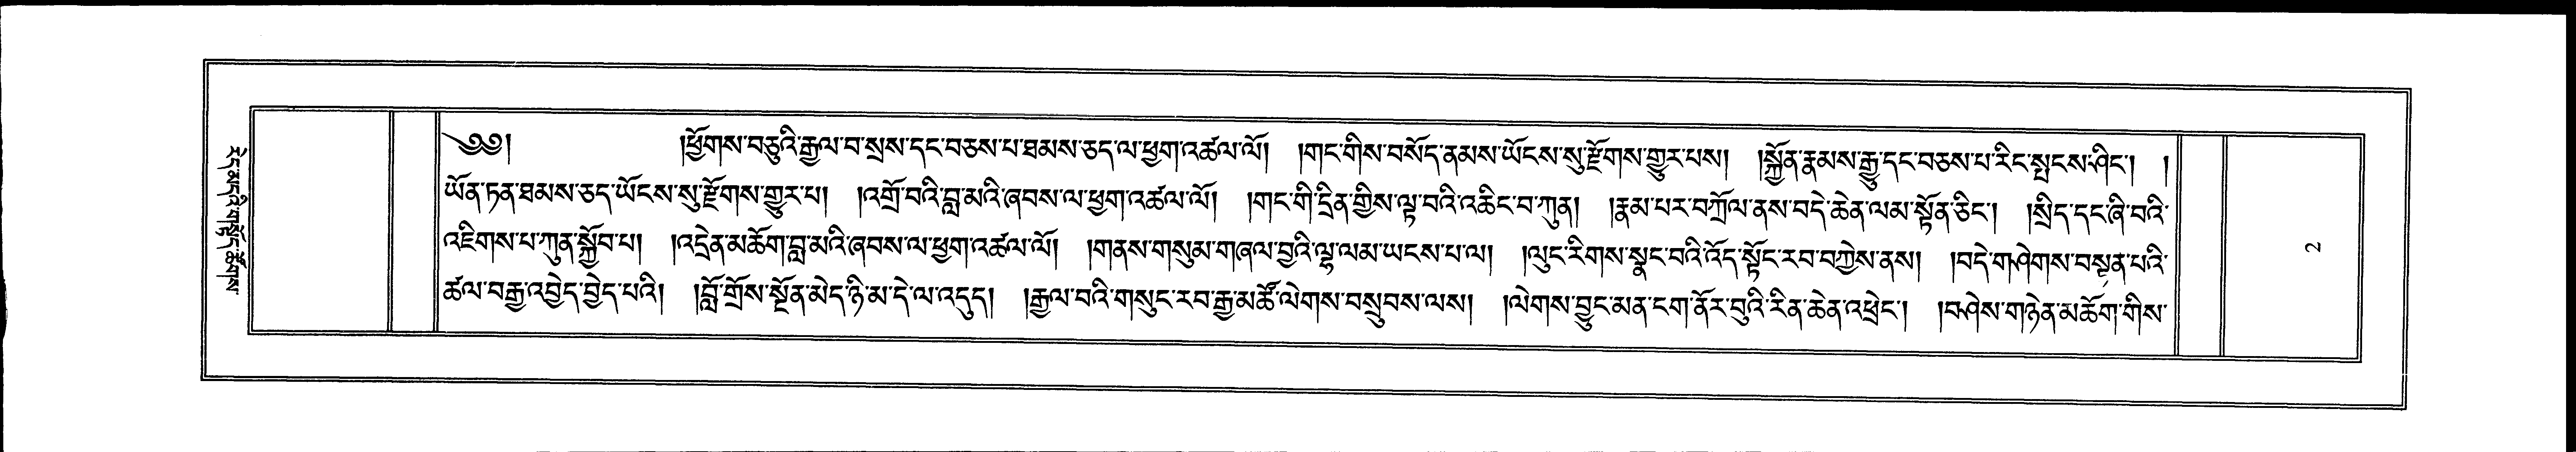༄༅། །ཕྱོགས་བཅུའི་རྒྱལ་བ་སྲས་དང་བཅས་པ་ཐམས་ཅད་ལ་ཕྱག་འཚལ་ལོ། །གང་གིས་བསོད་ནམས་ཡོངས་སུ་རྫོགས་གྱུར་པས། །སྐྱོན་རྣམས་རྒྱུ་དང་བཅས་པ་རིང་སྤངས་ཤིང་། །
ཡོན་ཏན་ཐམས་ཅད་ཡོངས་སུ་རྫོགས་གྱུར་པ། །འགྲོ་བའི་བླ་མའི་ཞབས་ལ་ཕྱག་འཚལ་ལོ། །གང་གི་དྲིན་གྱིས་ལྟ་བའི་འཆིང་བ་ཀུན། །རྣམ་པར་བཀྲོལ་ནས་བདེ་ཆེན་ལམ་སྟོན་ཅིང་། །སྲིད་དང་ཞི་བའི་
འཇིགས་པ་ཀུན་སྐྱོབ་པ། །འདྲེན་མཆོག་བླ་མའི་ཞབས་ལ་ཕྱག་འཚལ་ལོ། །གནས་གསུམ་གཞལ་བྱའི་ལྷ་ལམ་ཡངས་པ་ལ། །ལུང་རིགས་སྣང་བའི་འོད་སྟོང་རབ་བཀྱེས་ནས། །བདེ་གཤེགས་བསྟན་པའི་
ཚལ་བརྒྱ་འབྱེད་བྱེད་པའི། །བློ་གྲོས་སྔོན་མེད་ཉི་མ་དེ་ལ་འདུད། །རྒྱལ་བའི་གསུང་རབ་རྒྱ་མཚོ་ལེགས་བསྲུབས་ལས། །ལེགས་བྱུང་མན་ངག་ནོར་བུའི་རིན་ཆེན་འཕྲེང་། །བཤེས་གཉེན་མཆོག་གིས་